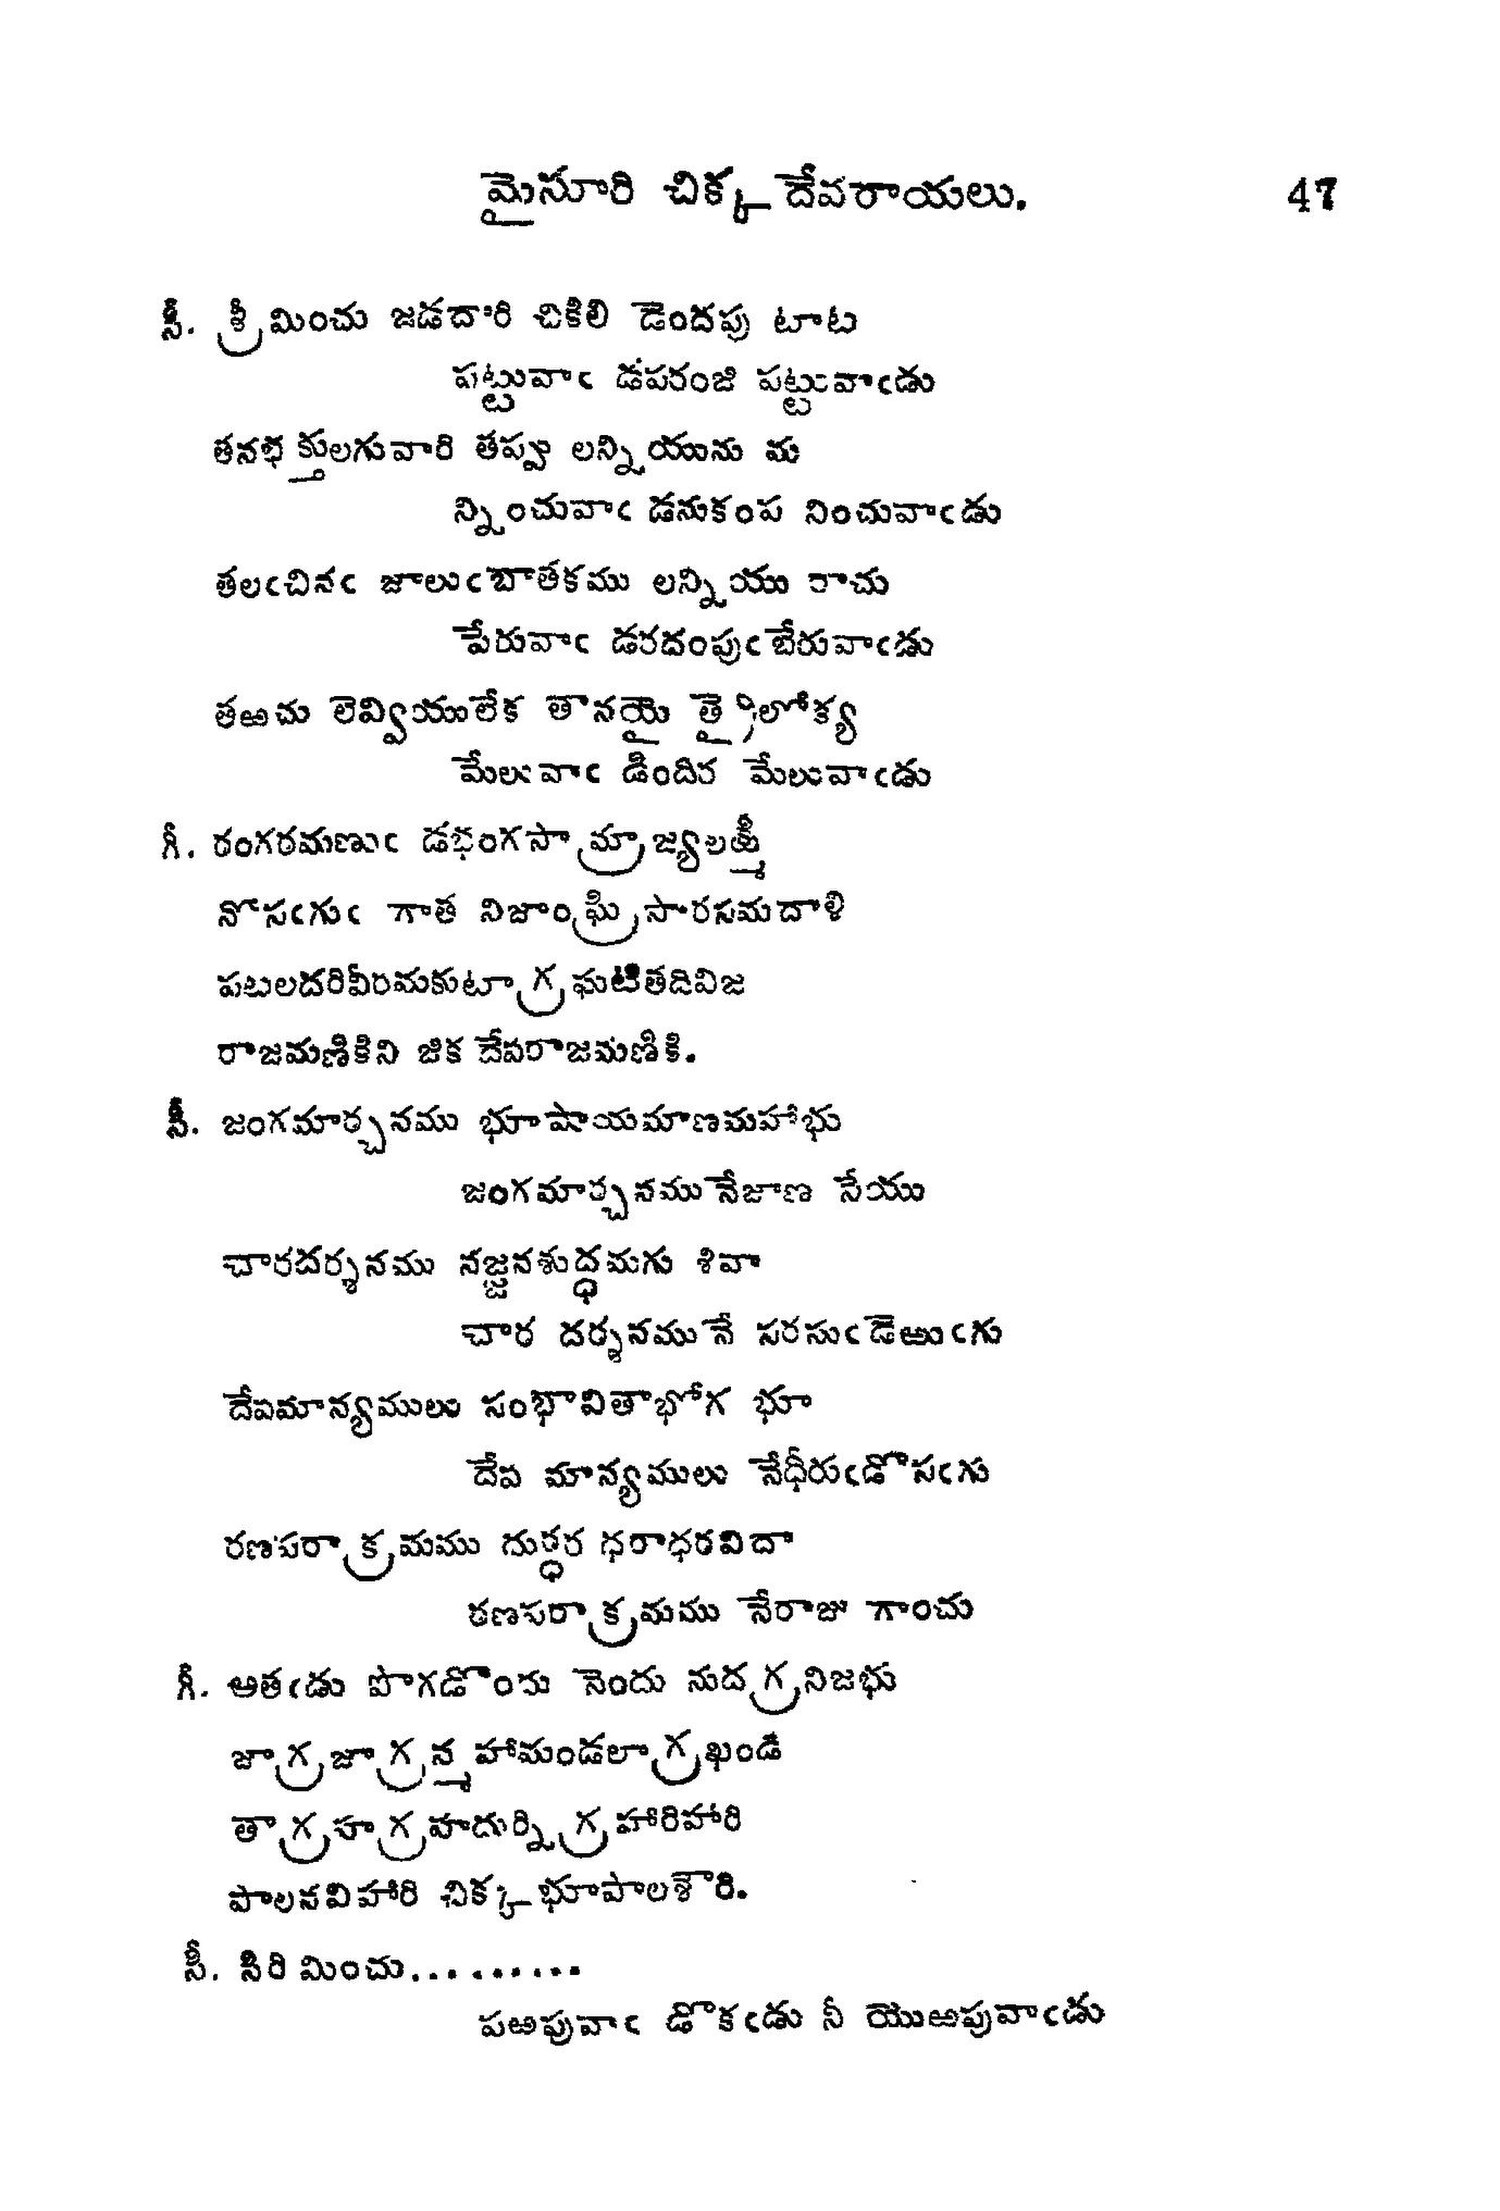సీ. శ్రీమించు జడదారి చికిలి డెందపు టాట
 పట్టువాఁ డపరంజి పట్టువాఁడు
 తన భక్తులగువారి తప్పు లన్నియును మ
 న్నించువాఁ డనుకంప నించువాఁడు
 తలఁచినఁ జాలుఁబాతకము లన్నియు రాచు
 పేరువాఁ డరదంపుఁబేరువాఁడు
 తఱచు లెవ్వియులేక తానయై త్రైలోక్య
 మేలువాఁ డిందర మేలువాఁడు
గీ. రంగరమణుఁ డభంగసామ్రాజ్యలక్ష్మి
 నొసఁగుఁ గాత నిజాంఘ్రిసారసమదాళి
 పటలదరివీరమకుటాగ్రఘటితదివిజ
 రాజమణికిని జికదేవరాజమణికి.
సీ. జంగమార్చనము భూషాయమాణమహాభు
 జంగమార్చనము నేజాణ సేయు
 చారదర్శనము సజ్జనశుద్ధమగు శివా
 చారదర్శనము నేసరసుఁ డెఱుఁగు
 దేవమాన్యములు సంభావితాభోగ భూ
 దేవ మాన్యములు నేధీరుఁ డొసఁగు
 రణపరాక్రమము దుర్ధర ధరాధరవిదా
 రణపరాక్రమము నేరాజు గాంచు
గీ. అతఁడు పొగడొందు నెందు నుదగ్రనిజభు
 జాగ్రజాగ్రన్మహామండలాగ్రఖండి
 తాగ్రహగ్రహదుర్నిగ్రహారిహారి
 పాలనవిహారి చిక్కభూపాలశౌరి.
సీ. సిరి మించు ................................
 పఱపువాఁ డొకఁడు నీ యొఱపువాఁడు